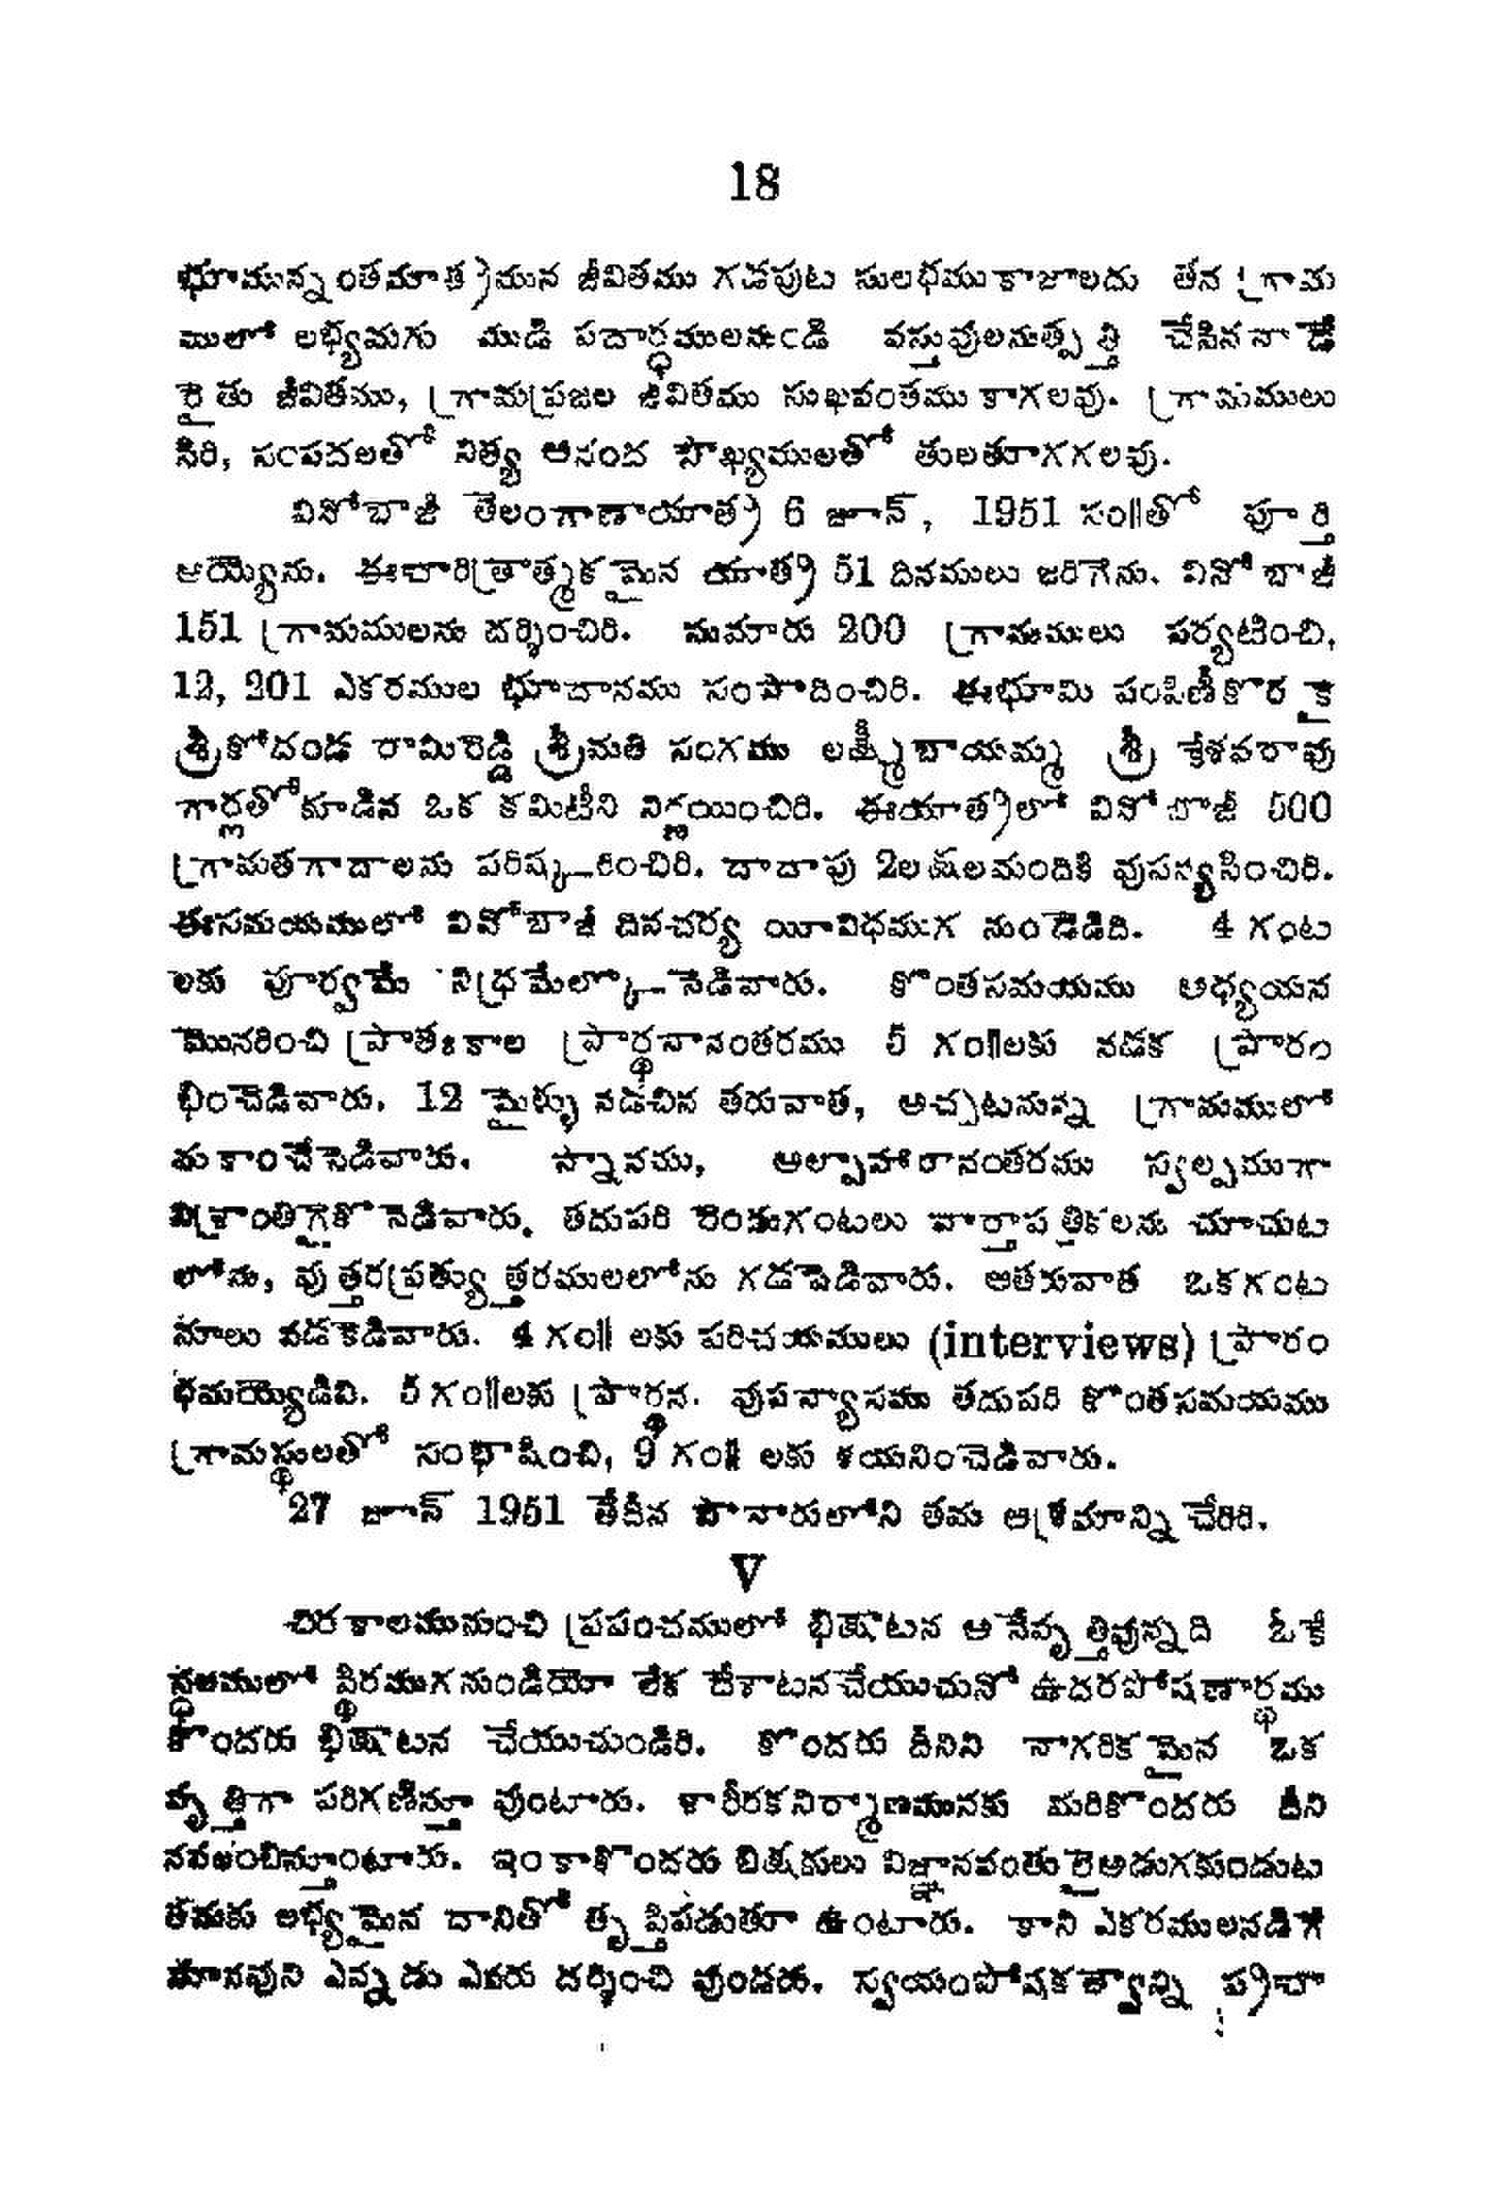భూమున్నంతమాత్రమున జీవితము గడపుట సులభముకాజాలదు. తన గ్రామములో లభ్యమగు ముడి పదార్దములనుండి వస్తువులనుత్పత్తి చేసిననాడే రైతు జీవితము, గ్రామప్రజల జీవితము సుఖవంతముకాగలవు. గ్రామములు సిరి, సంపదలతో నిత్య ఆనంద సౌఖ్యములతో తులతూగగలవు.

వినోబాజీ తెలంగాణాయాత్ర 6 జూన్, 1951 సం||తో పూర్తి ఆయ్యెను. ఈచారిత్రాత్మకమైన యాత్ర 51 దినములు జరిగెను. వినోబాజీ 151 గ్రామములను దర్శించిరి. సుమారు 200 గ్రామములు పర్యటించి, 12, 201 ఎకరముల భూదానము సంపాదించిరి. ఈభూమి పంపిణీకొరకై శ్రీకోదండ రామిరెడ్డి శ్రీమతి సంగము లక్మీబాయమ్మ శ్రీ కేశవరావు గార్లతోకూడిన ఒక కమిటీని నిర్ణయించిరి. ఈయాత్రలో వివోబాజీ 500 గ్రామతగాదాలను పరిష్కరించిరి. దాదాపు 2లక్షలమందికి వుపన్యసించిరి. ఈసమయములో వినోబాజీ దివచర్య యీవిధముగ నుండెడిది. 4 గంటలకు పూర్వమే నిద్రమేల్కొనెడివారు. కొంతసమయము అధ్యయన మొనరించి ప్రాతఃకాల ప్రార్థనానంతరము 5 గం||లకు నడక ప్రారంభించెడివారు. 12 మైళ్ళు నడిచిన తరువాత, అచ్చటనున్న గ్రామములో మకాంచేసెడివారు. స్నానము, అల్పాహారానంతరము స్వల్పముగా విశ్రాంతిగైకొనెడివారు. తదుపరి రెండుగంటలు వార్తాపత్రికలను చూచుటలోను, వుత్తరప్రత్యుత్తరములలోను గడపెడివారు. ఆతరువాత ఒకగంట నూలు వడకడివారు. 4 గం॥ లకు పరిచయములు (interviews) ప్రారంభమయ్యెడివి. 5 గం||లకు ప్రార్థన. వుపన్యాసము తదుపరి కొంతసమయము గ్రామస్థులతో సంభాషించి, 9 గం|| లకు శయనించెడివారు.

27 జూన్ 1951 తేదీన పౌనారులోని తమ ఆశ్రమాన్ని చేరిరి.

V

చిరకాలమునుంచి ప్రపంచములో భిక్షాటన అనేవృత్తివున్నది ఓకే స్థలములో స్థిరముగ నుండియో లేక దేశాటనచేయుచునో ఉదరపోషణార్థము కొందరు భిక్షాటన చేయుచుండిరి. కొందరు దీనిని నాగరికమైన ఒక వృత్తిగా పరిగణిస్తూ వుంటారు. శారీరకనిర్మాణమనకు మరికొందరు దీని నవలంబిస్తూంటారు. ఇంకాకొందరు బిక్షకులు విజ్ఞానవంతులైఅడుగకుండుట తమకు లభ్యమైన దానితో తృప్తిపడుతూ ఉంటారు. కాని ఎకరములనడిగే మానవుని ఎన్నడు ఎవరు దర్శించి వుండరు. స్వయంపోషకత్వాన్ని ప్రచా